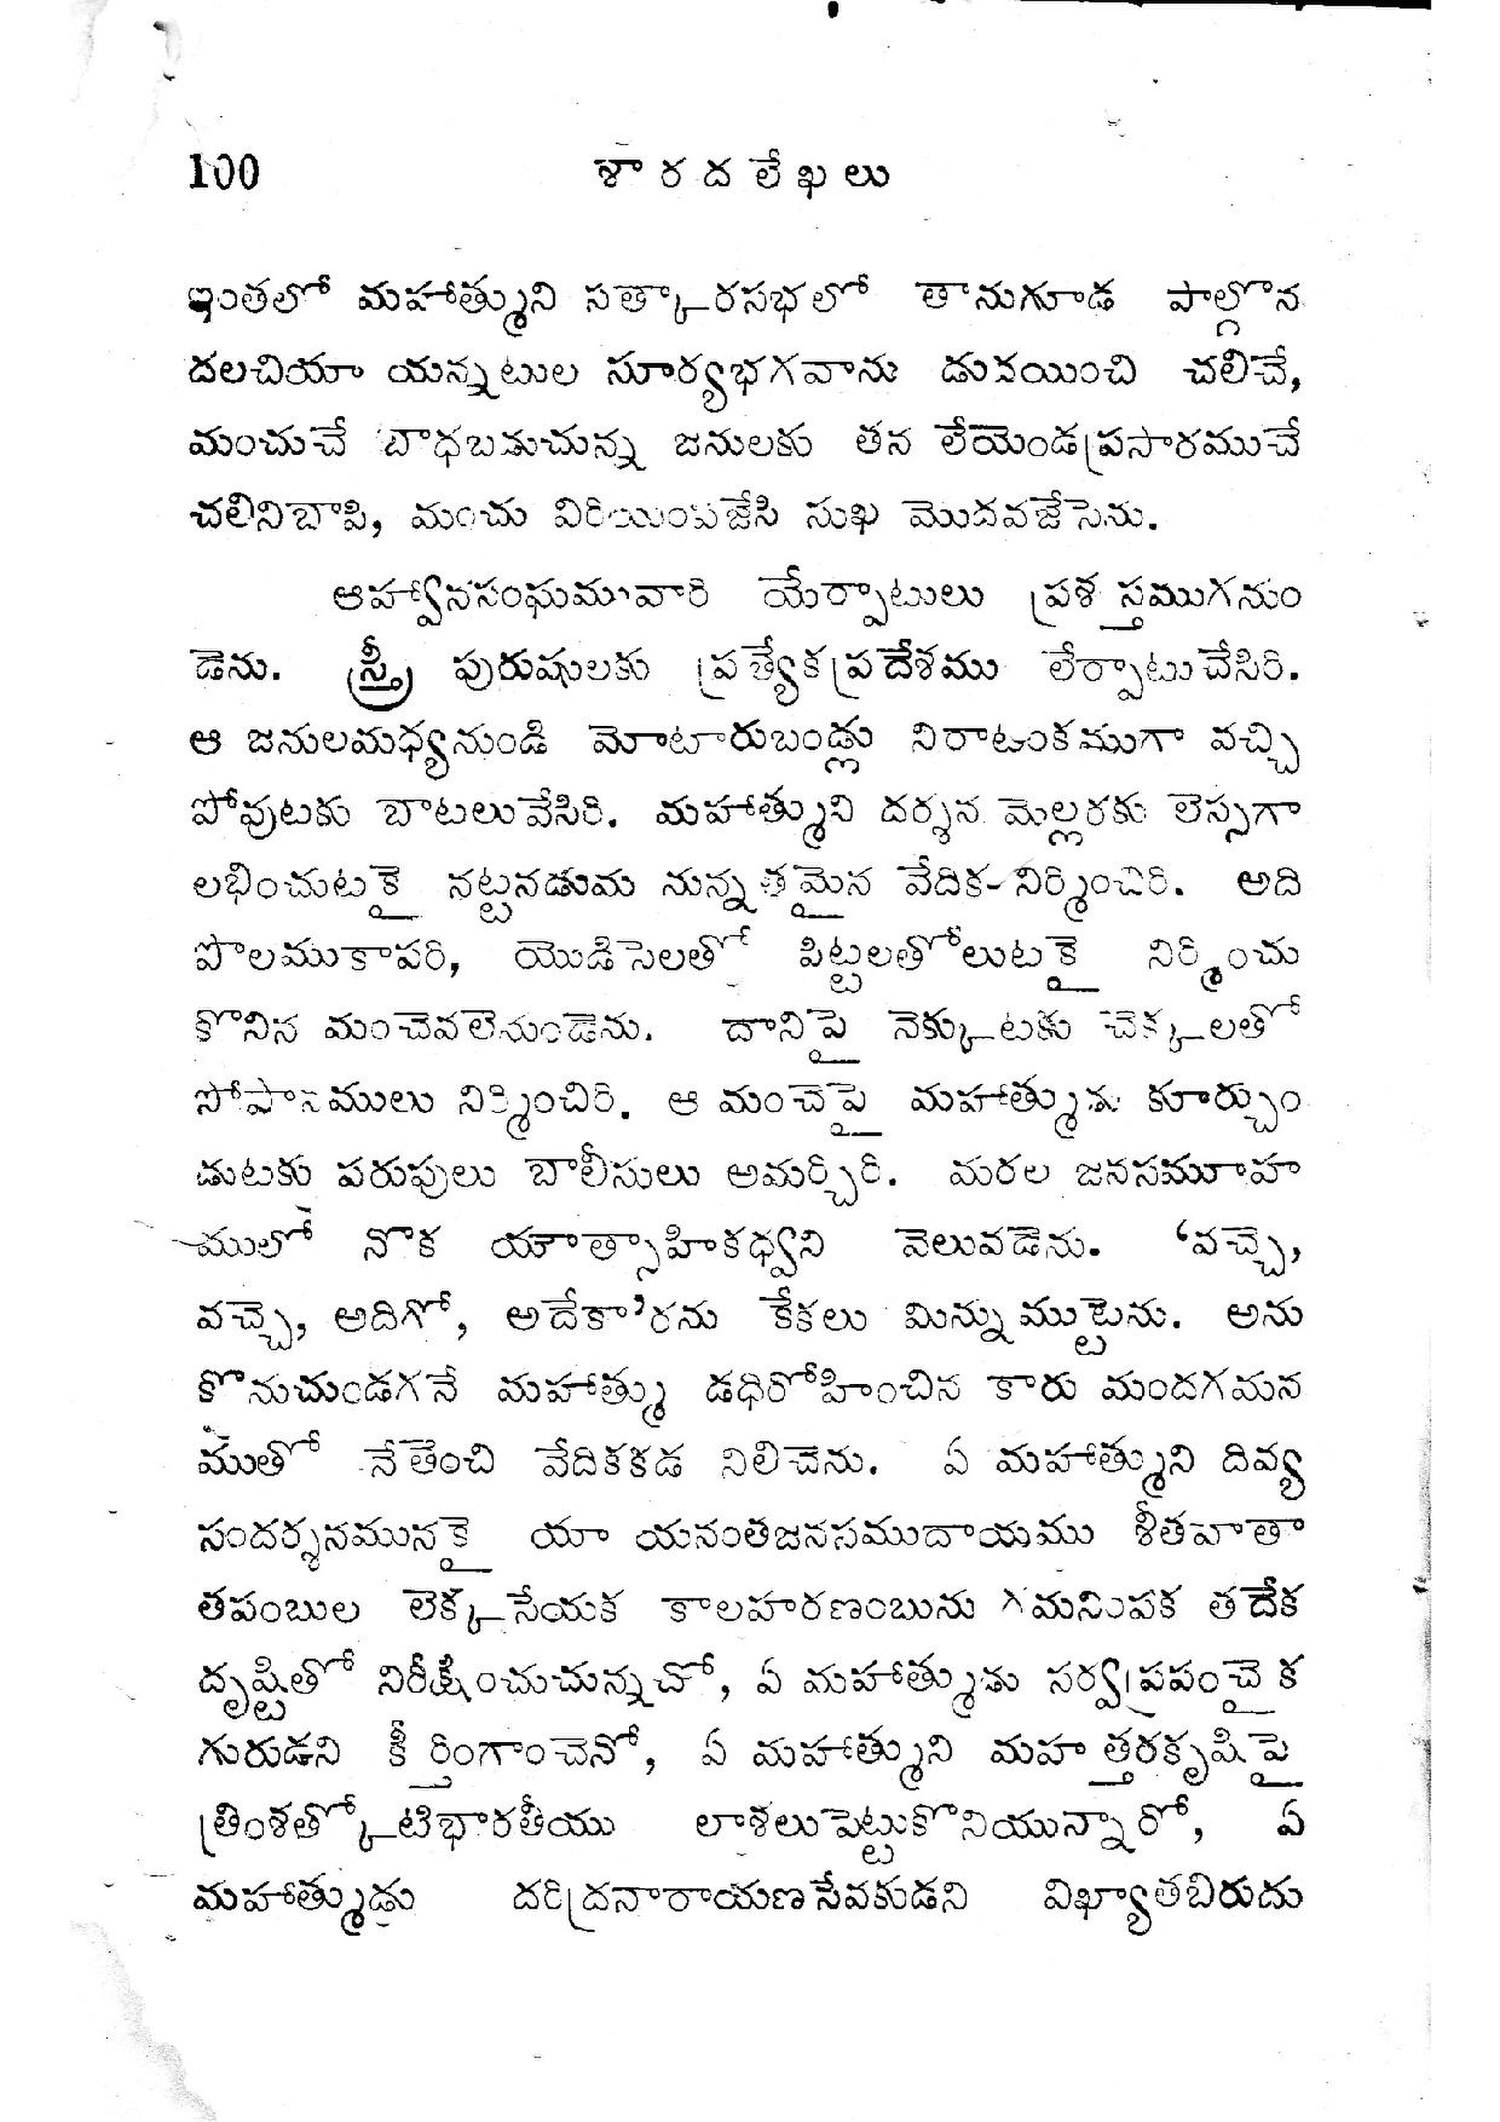ఇంతలో మహాత్ముని సత్కారసభలో తానుగూడ పాల్గొన
దలచియా యన్నటుల సూర్యభగవాను డుదయించి చలిచే,
మంచుచే బాధబడుచున్న జనులకు తన లేయెండ ప్రసారముచే
చలిని బాపి, మంచు విరియింపజేసి సుఖ మొదవజేసెను.
 
ఆహ్వాన సంఘము వారి యేర్పాటులు ప్రశస్తముగనుం
డెను. స్త్రీ పురుషులకు ప్రత్యేక ప్రదేశము లేర్పాటు చేసిరి.
ఆ జనులమధ్యనుండి మోటారుబండ్లు నిరాటంకముగా వచ్చి
పోవుటకు బాటలు వేసిరి. మహాత్ముని దర్శన మెల్లరకు లెస్సగా
లభించుటకై నట్టనడుమ నున్నతమైన వేదిక నిర్మించిరి. అది
పొలముకాపరి, యొడిసెలతో పిట్టలతోలుటకై నిర్మించు
కొనిన మంచెవలెనుండెను. దానిపై నెక్కుటకు చెక్కలతో
సోపానములు నిర్మించిరి. ఆ మంచెపై మహాత్ముడు కూర్చుం
డుటకు పరుపులు బాలీసులు అమర్చిరి. మరల జనసమూహ
-ములో నొక యౌత్సాహికధ్వని వెలువడెను. 'వచ్చే,
వచ్చె, అదిగో, అదేకా'రను కేకలు మిన్ను ముట్టెను. అను
కొనుచుండగనే మహాత్ము డధిరోహించిన కారు మందగమన
ముతో నేతెంచి వేదికకడ నిలిచెను. ఏ మహాత్ముని దివ్య
సందర్శనమునకై యా యనంతజనసముదాయము శీతవాతా
తపంబుల లెక్క సేయక కాలహరణంబును గమనింపక తదేక
దృష్టితో నిరీక్షించుచున్నచో, ఏ మహాత్ముడు సర్వప్రపంచైక
గురుడని కీర్తింగాంచెనో, ఏ మహాత్ముని మహ త్తరకృషి పై
త్రింశత్కోటిభారతీయు లాశలుపెట్టుకొనియున్నారో, ఏ
మహాత్ముడు దరిద్రనారాయణ సేవకుడని విఖ్యాతబిరుదు